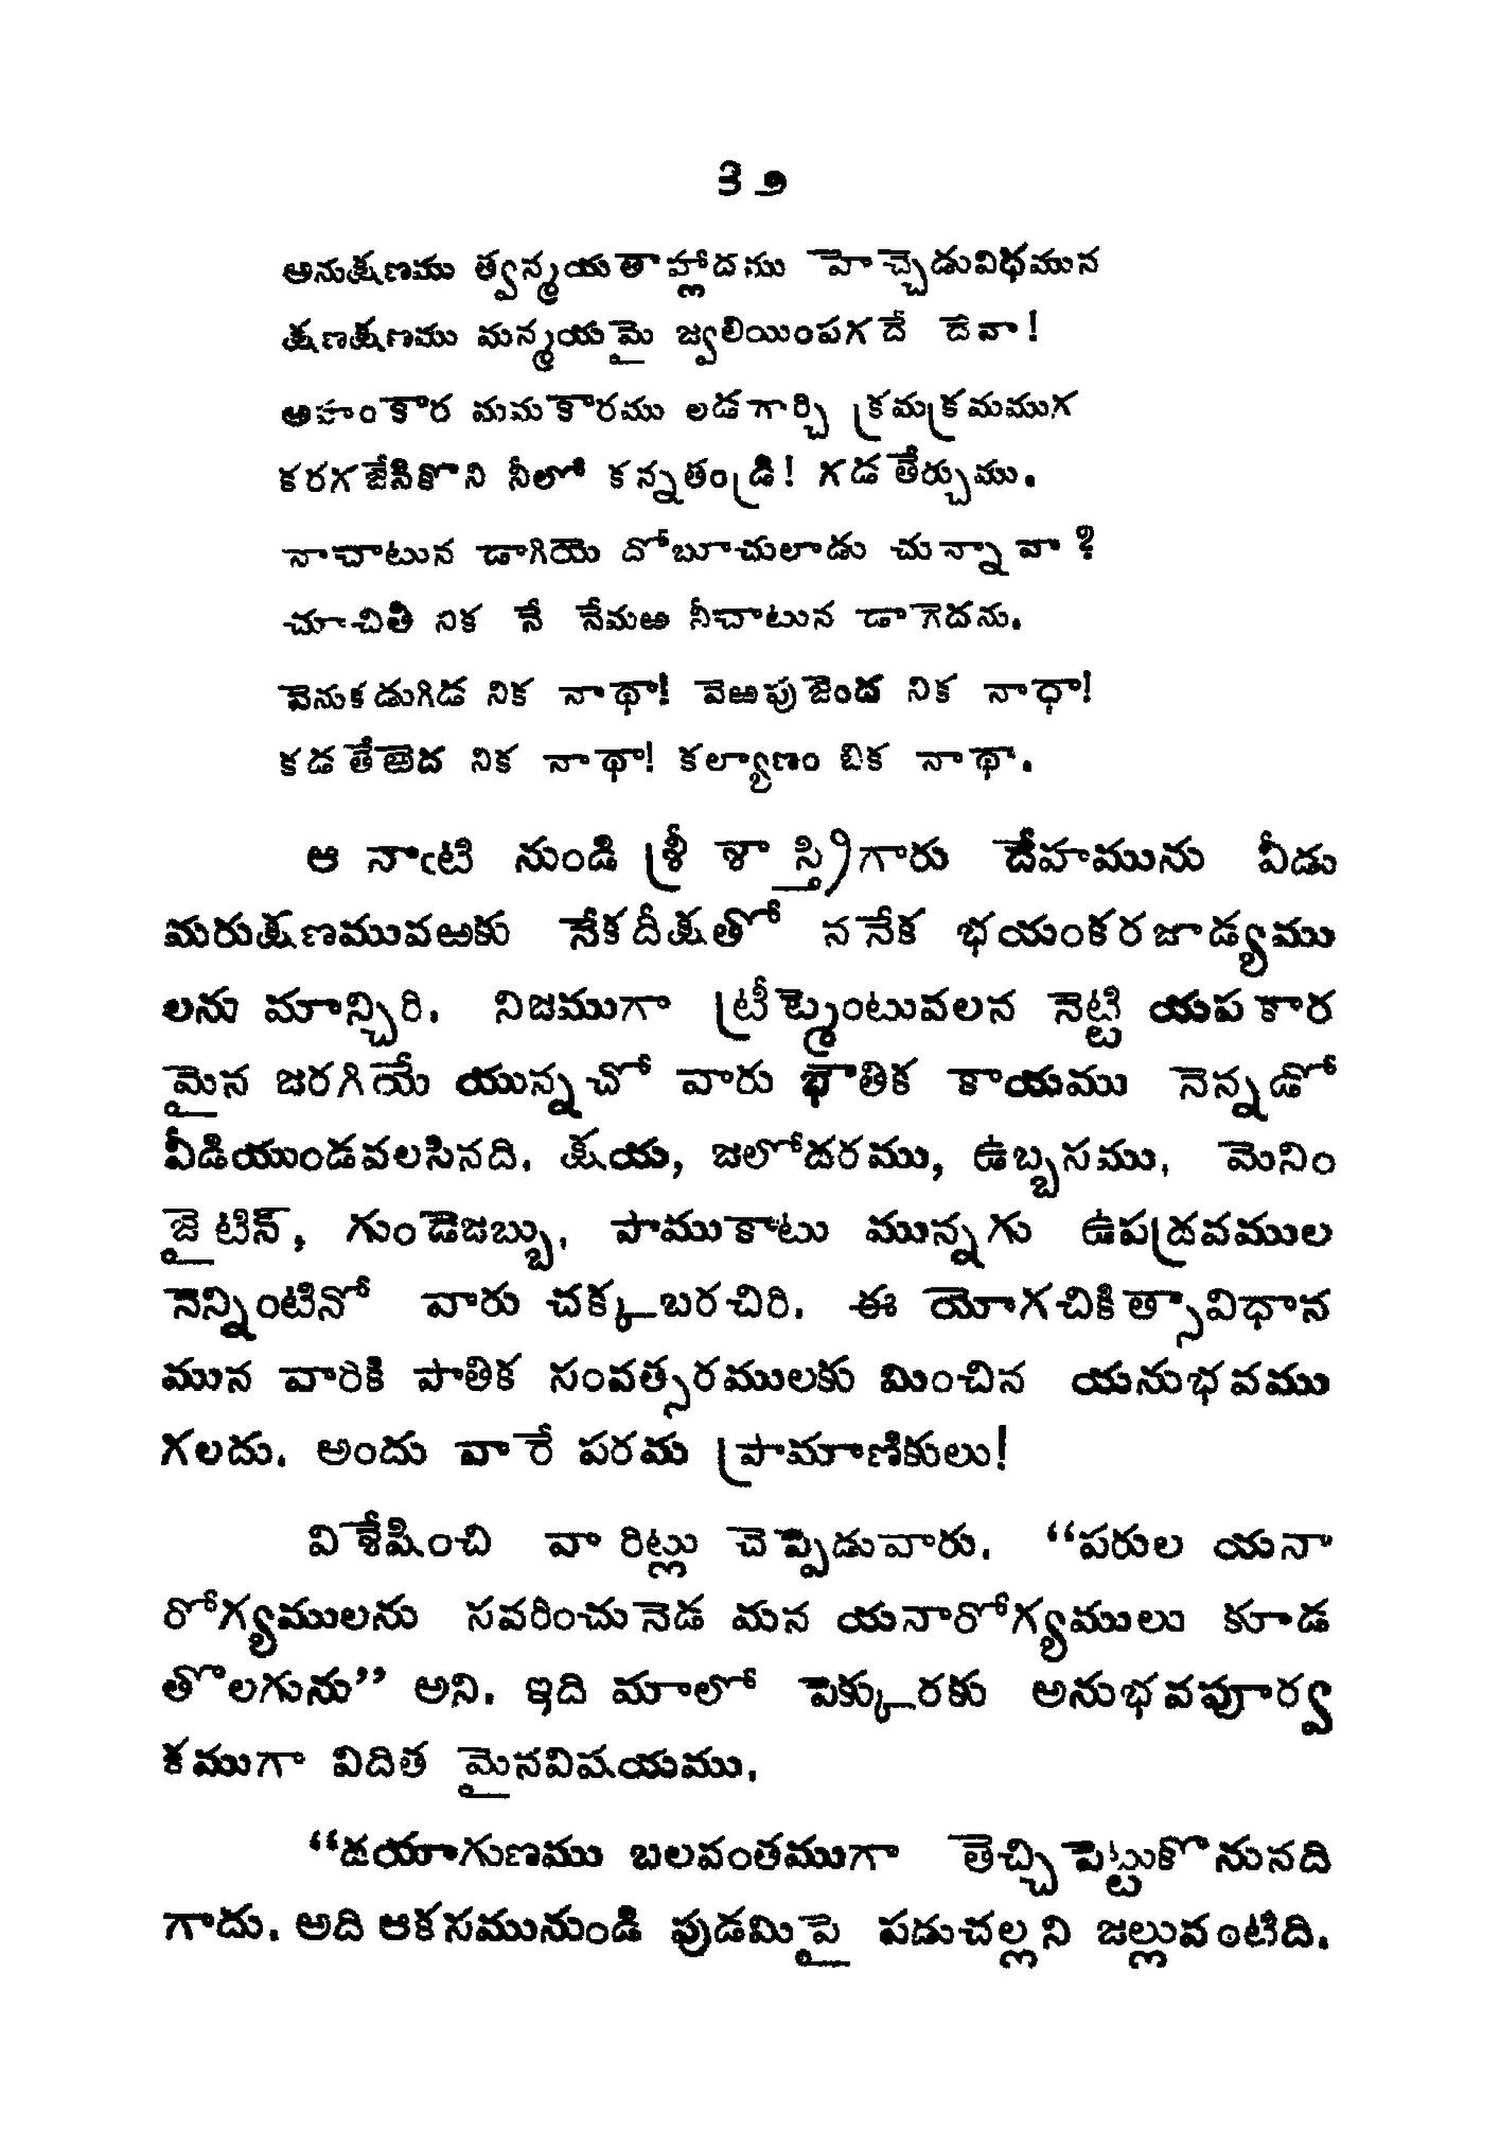అనుక్షణము త్వన్మయతాహ్లాదము హేచ్చేడువిధమున
 క్షణక్షణము మన్మయమ్తె జ్వలియింపగదే దేవా!
 అహంకారం మమకారము లడగార్చి క్రమక్రమముగ 
 కరగజేసికొని నీలో కన్నాతండ్రి! గడతెర్చుము.
 నాచాటున డాగియె దోబూచులాడు చున్నావా?
 చూచితి నిక నే నెమఱ నీచాటున డాగేదను.
 వేను కడుగిడ నిక నాథా! వెఱపు జెంద నిక నాథా!
 కడతేఱెద నిక నాథా ! కల్యాణం బిక నాథా.

 ఆ నాటి నుండి శ్రీ శాస్త్రిగారు దేహమును విడు తుదిక్షణము వఱకు నేకదీక్షతో ననేక భయంకరజాడ్యము లను మాన్చిరి నిజాము గా ట్రీట్మెంటువలన నెట్టి యపకార మ్తెన జరిగియే యున్నచో వారు భౌతిక కాయము నెన్నడో విడియుండవలసినది, క్షయ, జాలోదరము, ఉబ్బసము, మేనింజ్తేటిస్, గుండెజబ్బు, పాముకాటు మున్నగు ఉపద్రవముల నెన్నింటినో వారు చక్కబరచిరి. ఈ యోగ చికిత్సావిధానమున వారికి పాతిక సంవత్సములకు మించిన యనుభావము గలదు. అందు వారే పరమ ప్రామాణికులు!

 విశేషించి వారిట్లు చెప్పేడువారు " పరుల యనా రోగ్యములను సవరించు నెడ మన యనారోగ్యములు కూడా తొలగును" అని ఇది మాలో పెక్కు రకు అనుభవపూర్వకముగా విదితమ్తెన విషయము.

 "దయగుణము బలవంతముగా తెచ్చి పెట్టుకోనునది గాదు, అది ఆకసమునుండి పుడమిప్తె పడు చల్లని జల్లువంటిది.